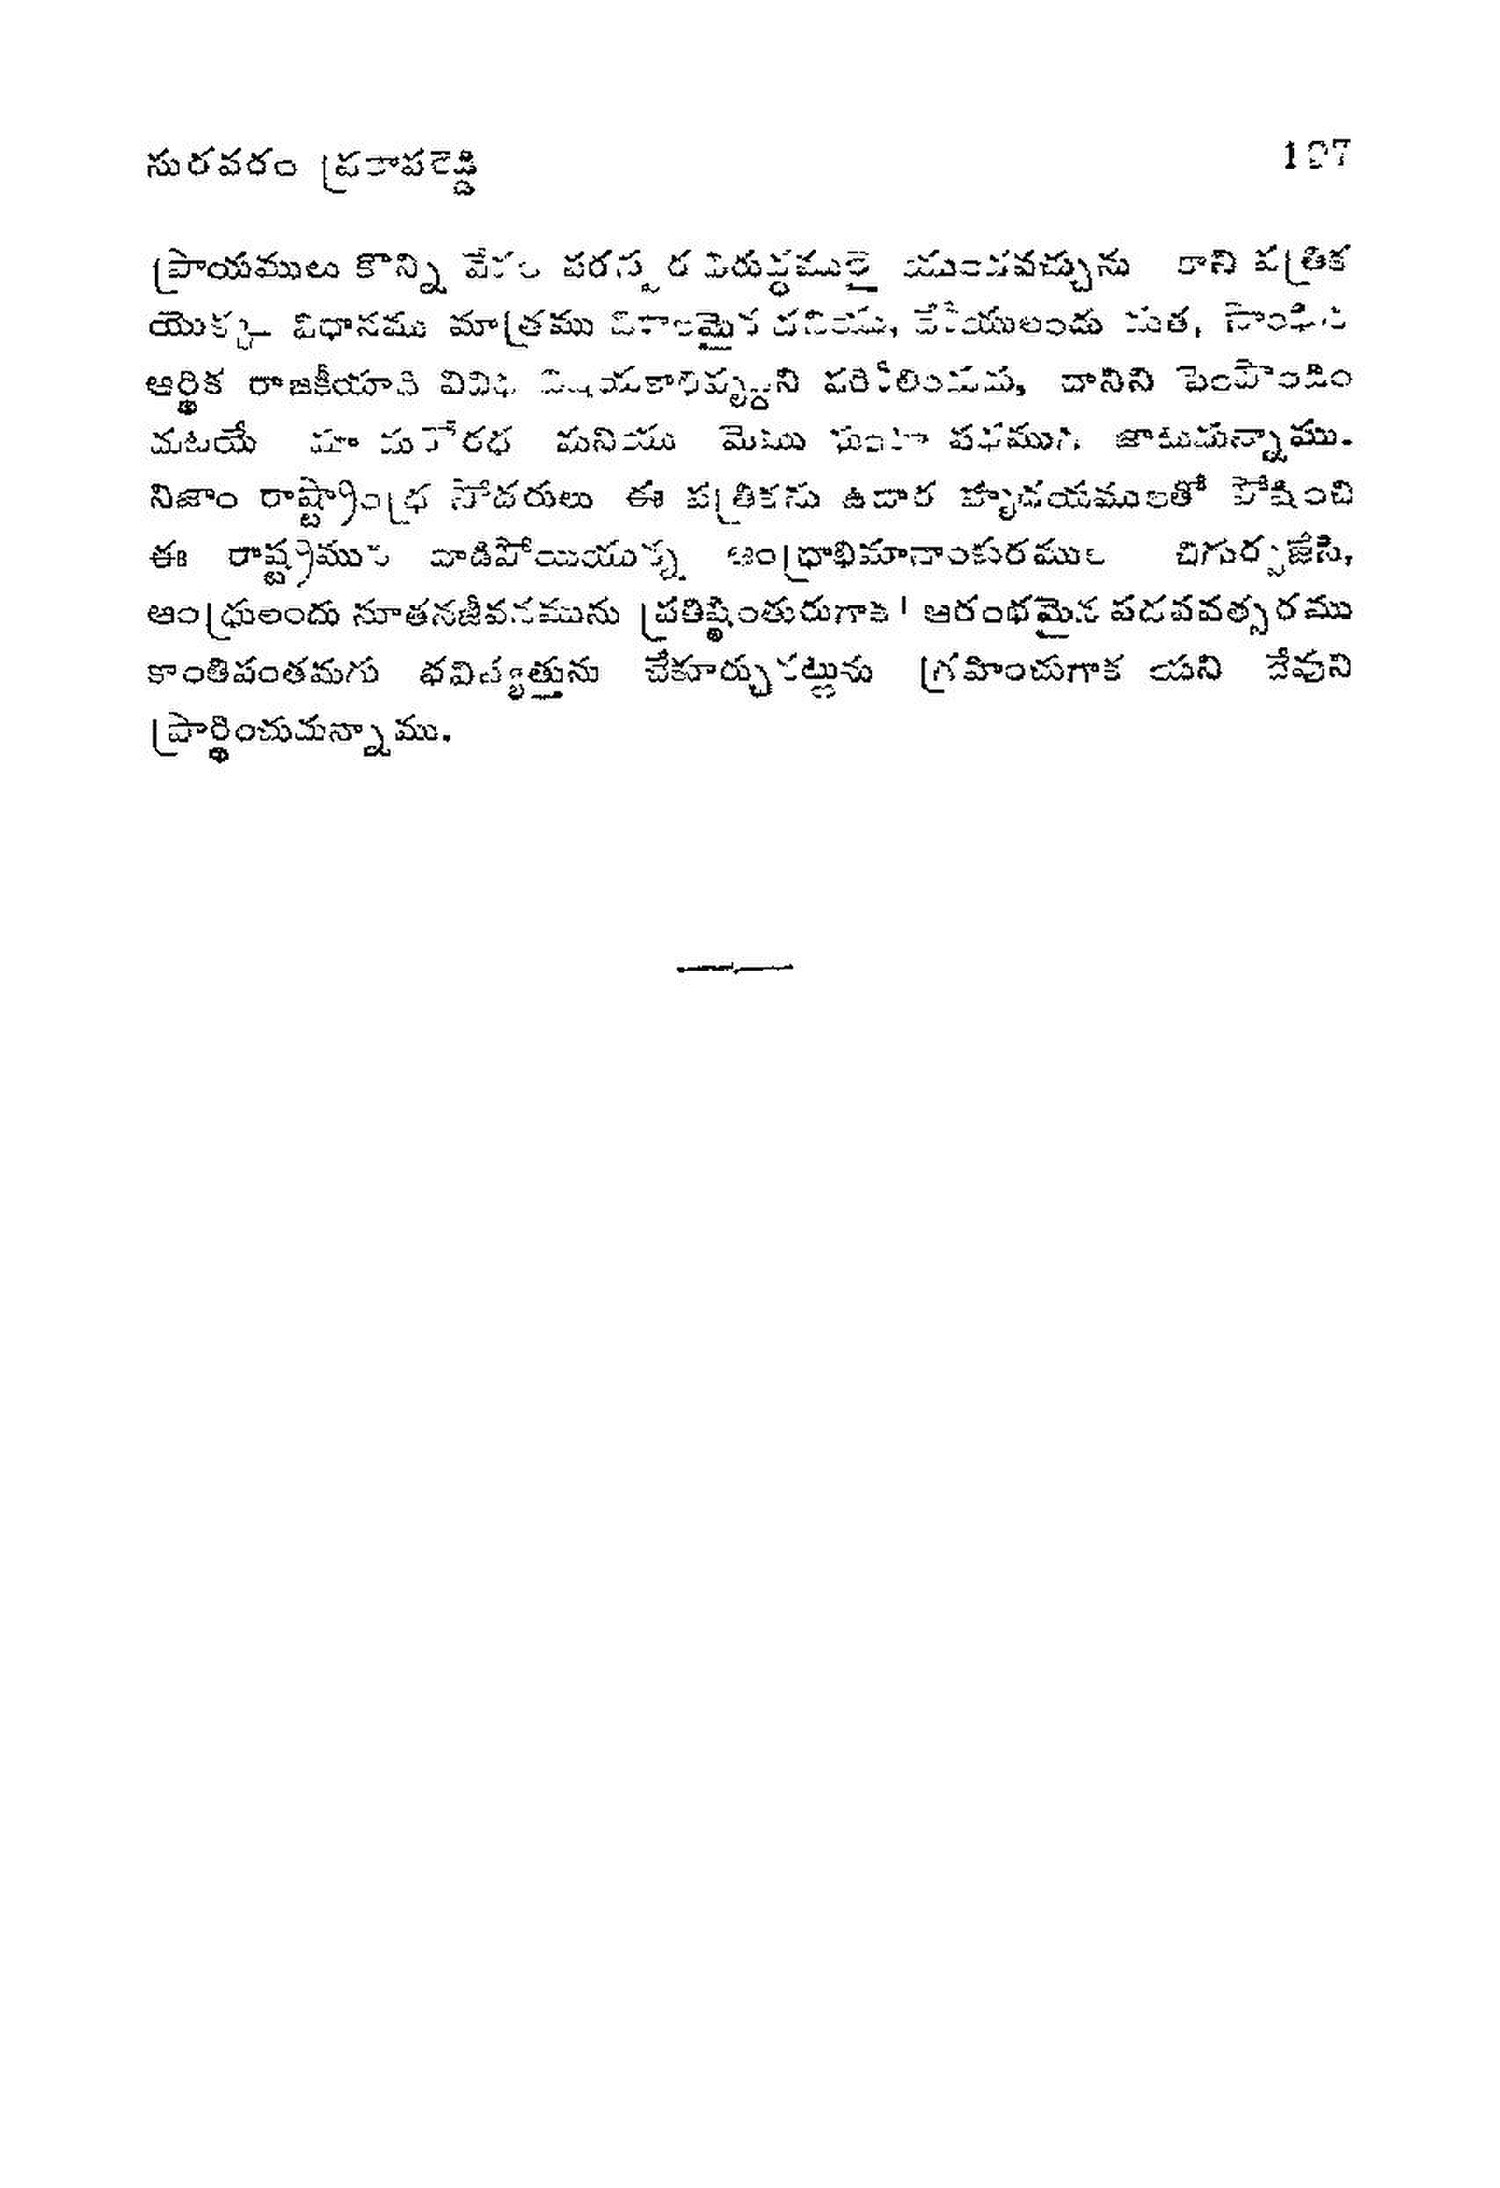ప్రాయములు కొన్ని వేళల పరస్పర విరుద్ధములై యుండవచ్చును కాని పత్రిక యొక్క విధానము మాత్రము విశాలమైన దనియు, దేశీయులందు మత, సాంఘిక ఆర్థిక రాజకీయాది వివిధ విషయకాభివృద్ధిని పరిశీలించచు, దానిని పెంపొందించుటయే మా మనోరధ మనియు మేము ఘంటా పధముగ జాటుచున్నాము. నిజాం రాష్ట్రాంధ్ర సోదరులు ఈ పత్రికను ఉదార హృదయములతో పోషించి ఈ రాష్ట్రమున వాడిపోయియున్న ఆంధ్రాభిమానాంకురముల చిగుర్పజేసి, ఆంధ్రులందు నూతనజీవనమును ప్రతిష్ఠింతురుగాక! ఆరంభమైన పదవవత్సరము కాంతివంతమగు భవిష్యత్తును చేకూర్చునట్లును గ్రహించుగాక యని దేవుని ప్రార్థించుచున్నాము.